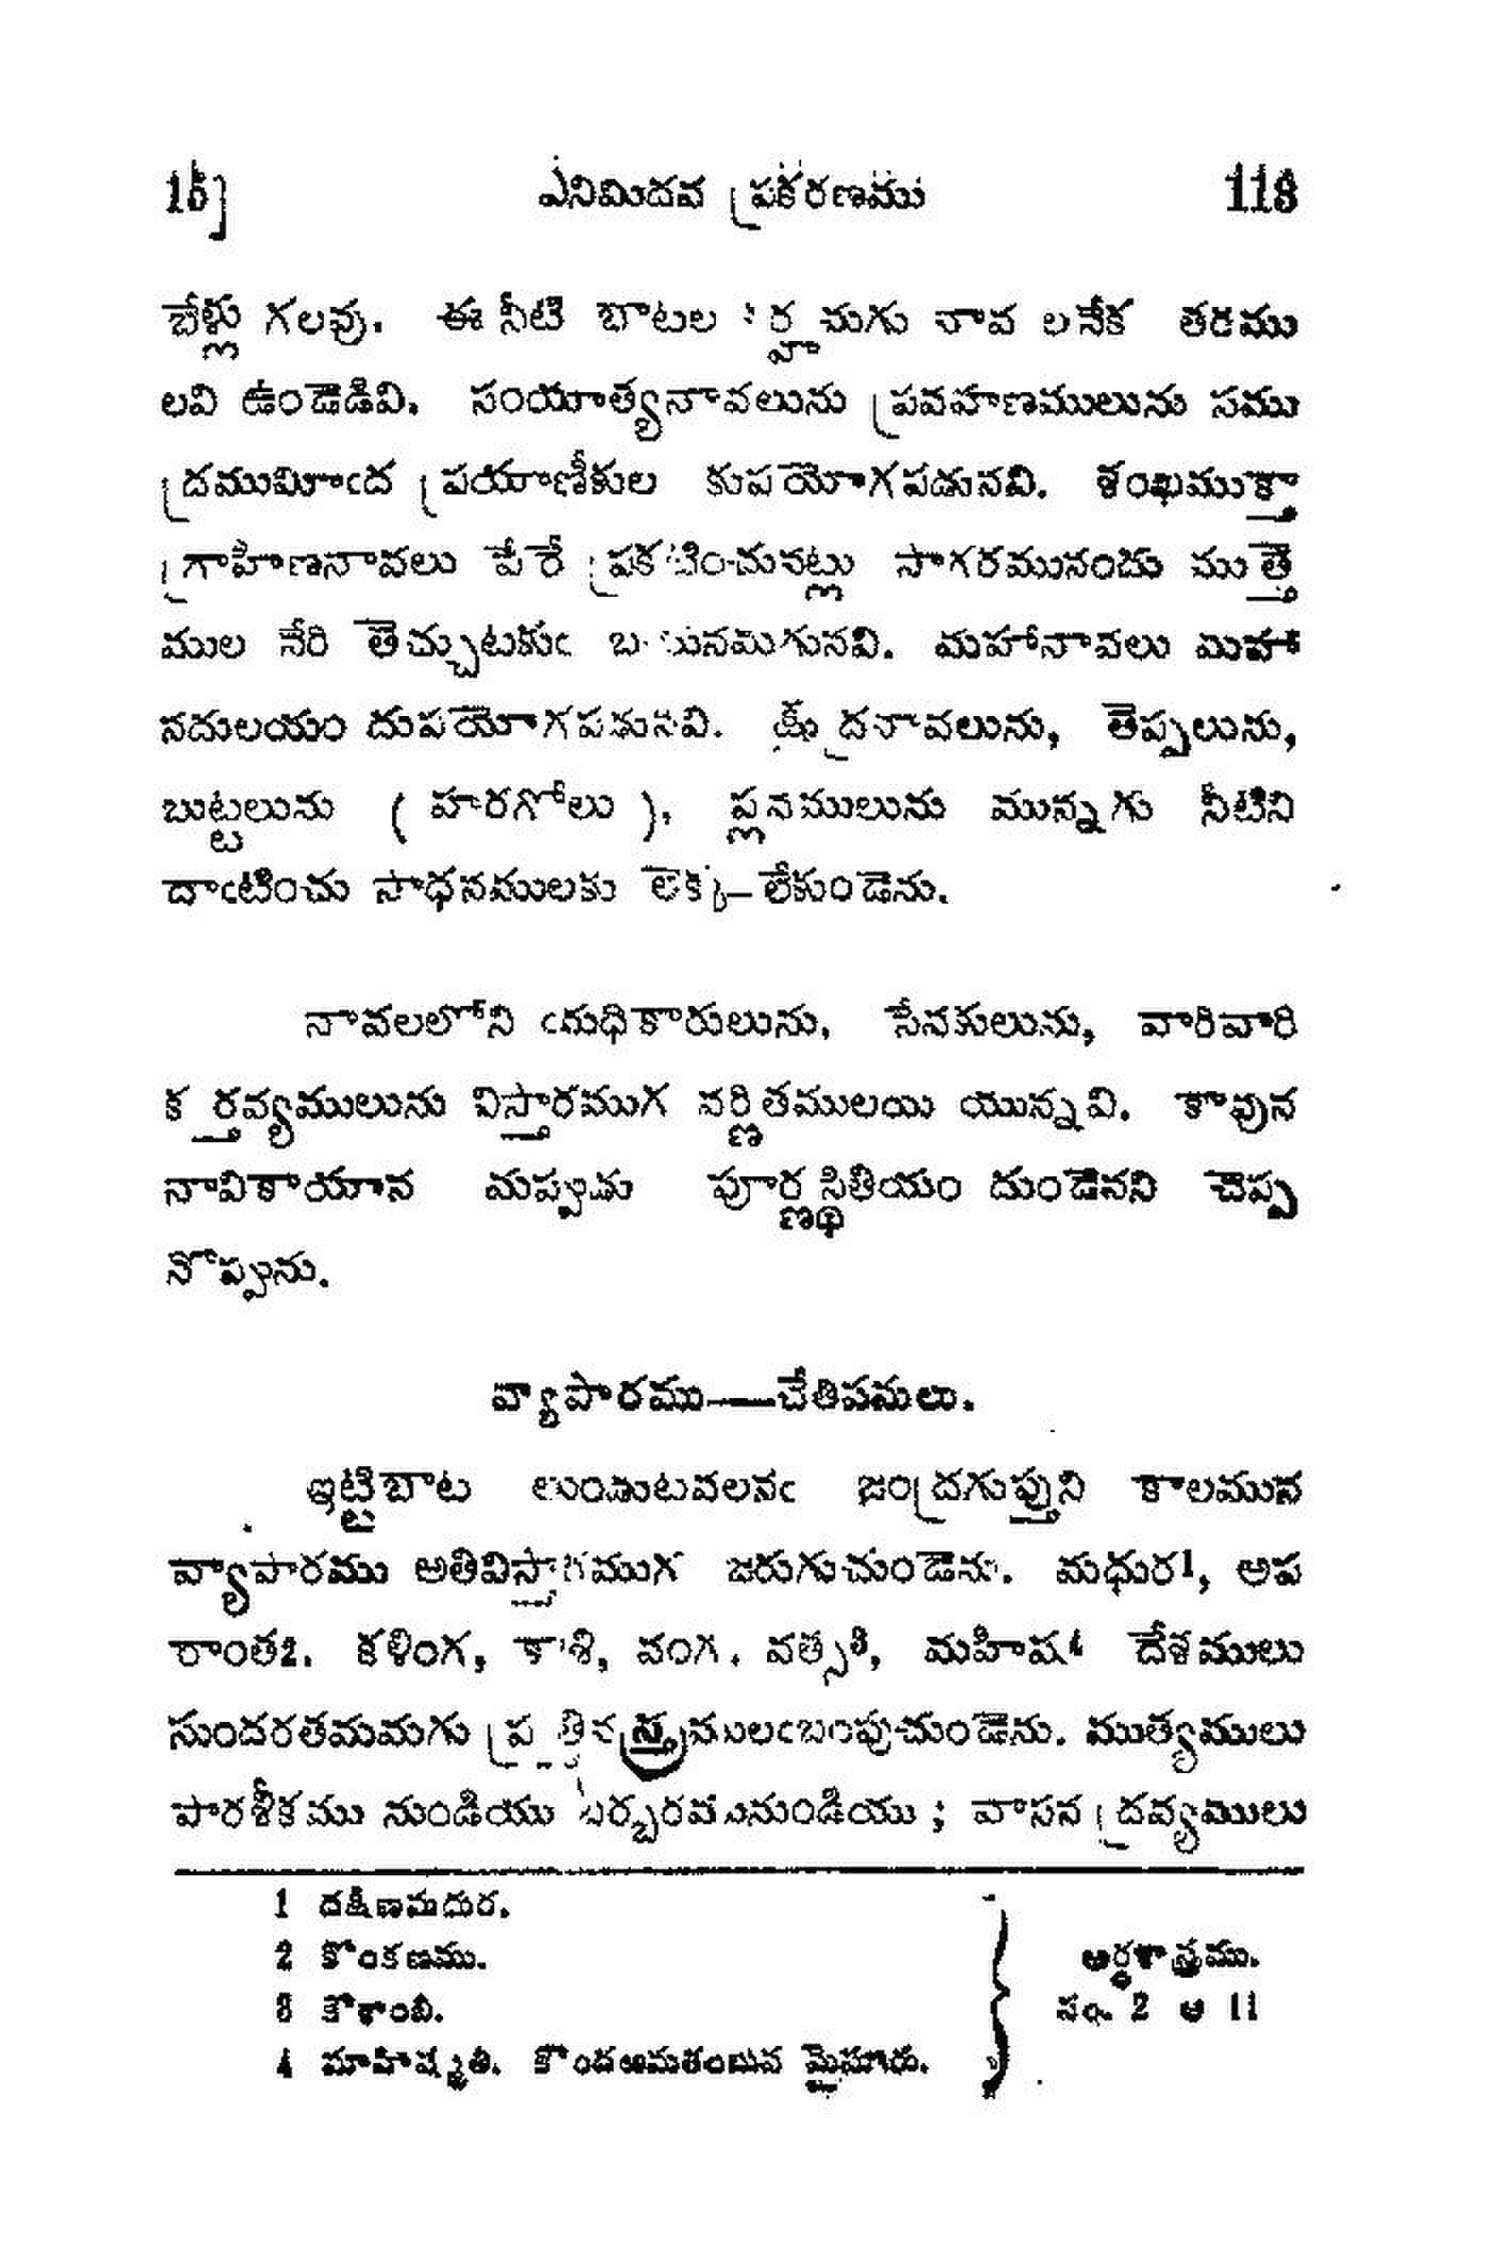బేళ్లు గలవు. ఈ నీటి బాటల కర్హమగు నావ లనేక తరములవి ఉండెడివి. సంయాత్యనావలును ప్రవహణములును సము ద్రముమీఁద ప్రయాణీకుల కుపయోగపడునవి. శంఖముక్తాగ్రాహిణనావలు పేరే ప్రకటించునట్లు సాగరమునండు ముత్తెముల నేరి తెచ్చుటకుఁ బయనమగునవి. మహానావలు మహానదులయం దుపయోగపడునవి. క్షుద్రనావలును, తెప్పలును, బుట్టలును ( హరగోలు ), ప్లనములును మున్నగు నీటిని దాఁటించు సాధనములకు లెక్క లేకుండెను.

నావలలోని యుధికారులును, సేనకులును, వారివారి కర్తవ్యములును విస్తారముగ వర్ణితములయి యున్నవి. కావున నావికాయాన మప్పుడు పూర్ణస్థితియం దుండెనని చెప్ప నొప్పును.

వ్యాపారము - చేతిపనులు. 

ఇట్టిబాట లుండుటవలనఁ జంద్రగుప్తుని కాలమున వ్యాపారము అతివిస్తారముగ జరుగుచుండెను. మధుర1, అప రాంత2. కళింగ, కాశి, వంగ, వత్స3, మహిష4 దేశములు సుందరతమమగు ప్రత్తివస్త్రములం బంపుచుండెను. ముత్యములు పారశీకము నుండియు బర్బరమునుండియు ; వాసన ద్రవ్యములు